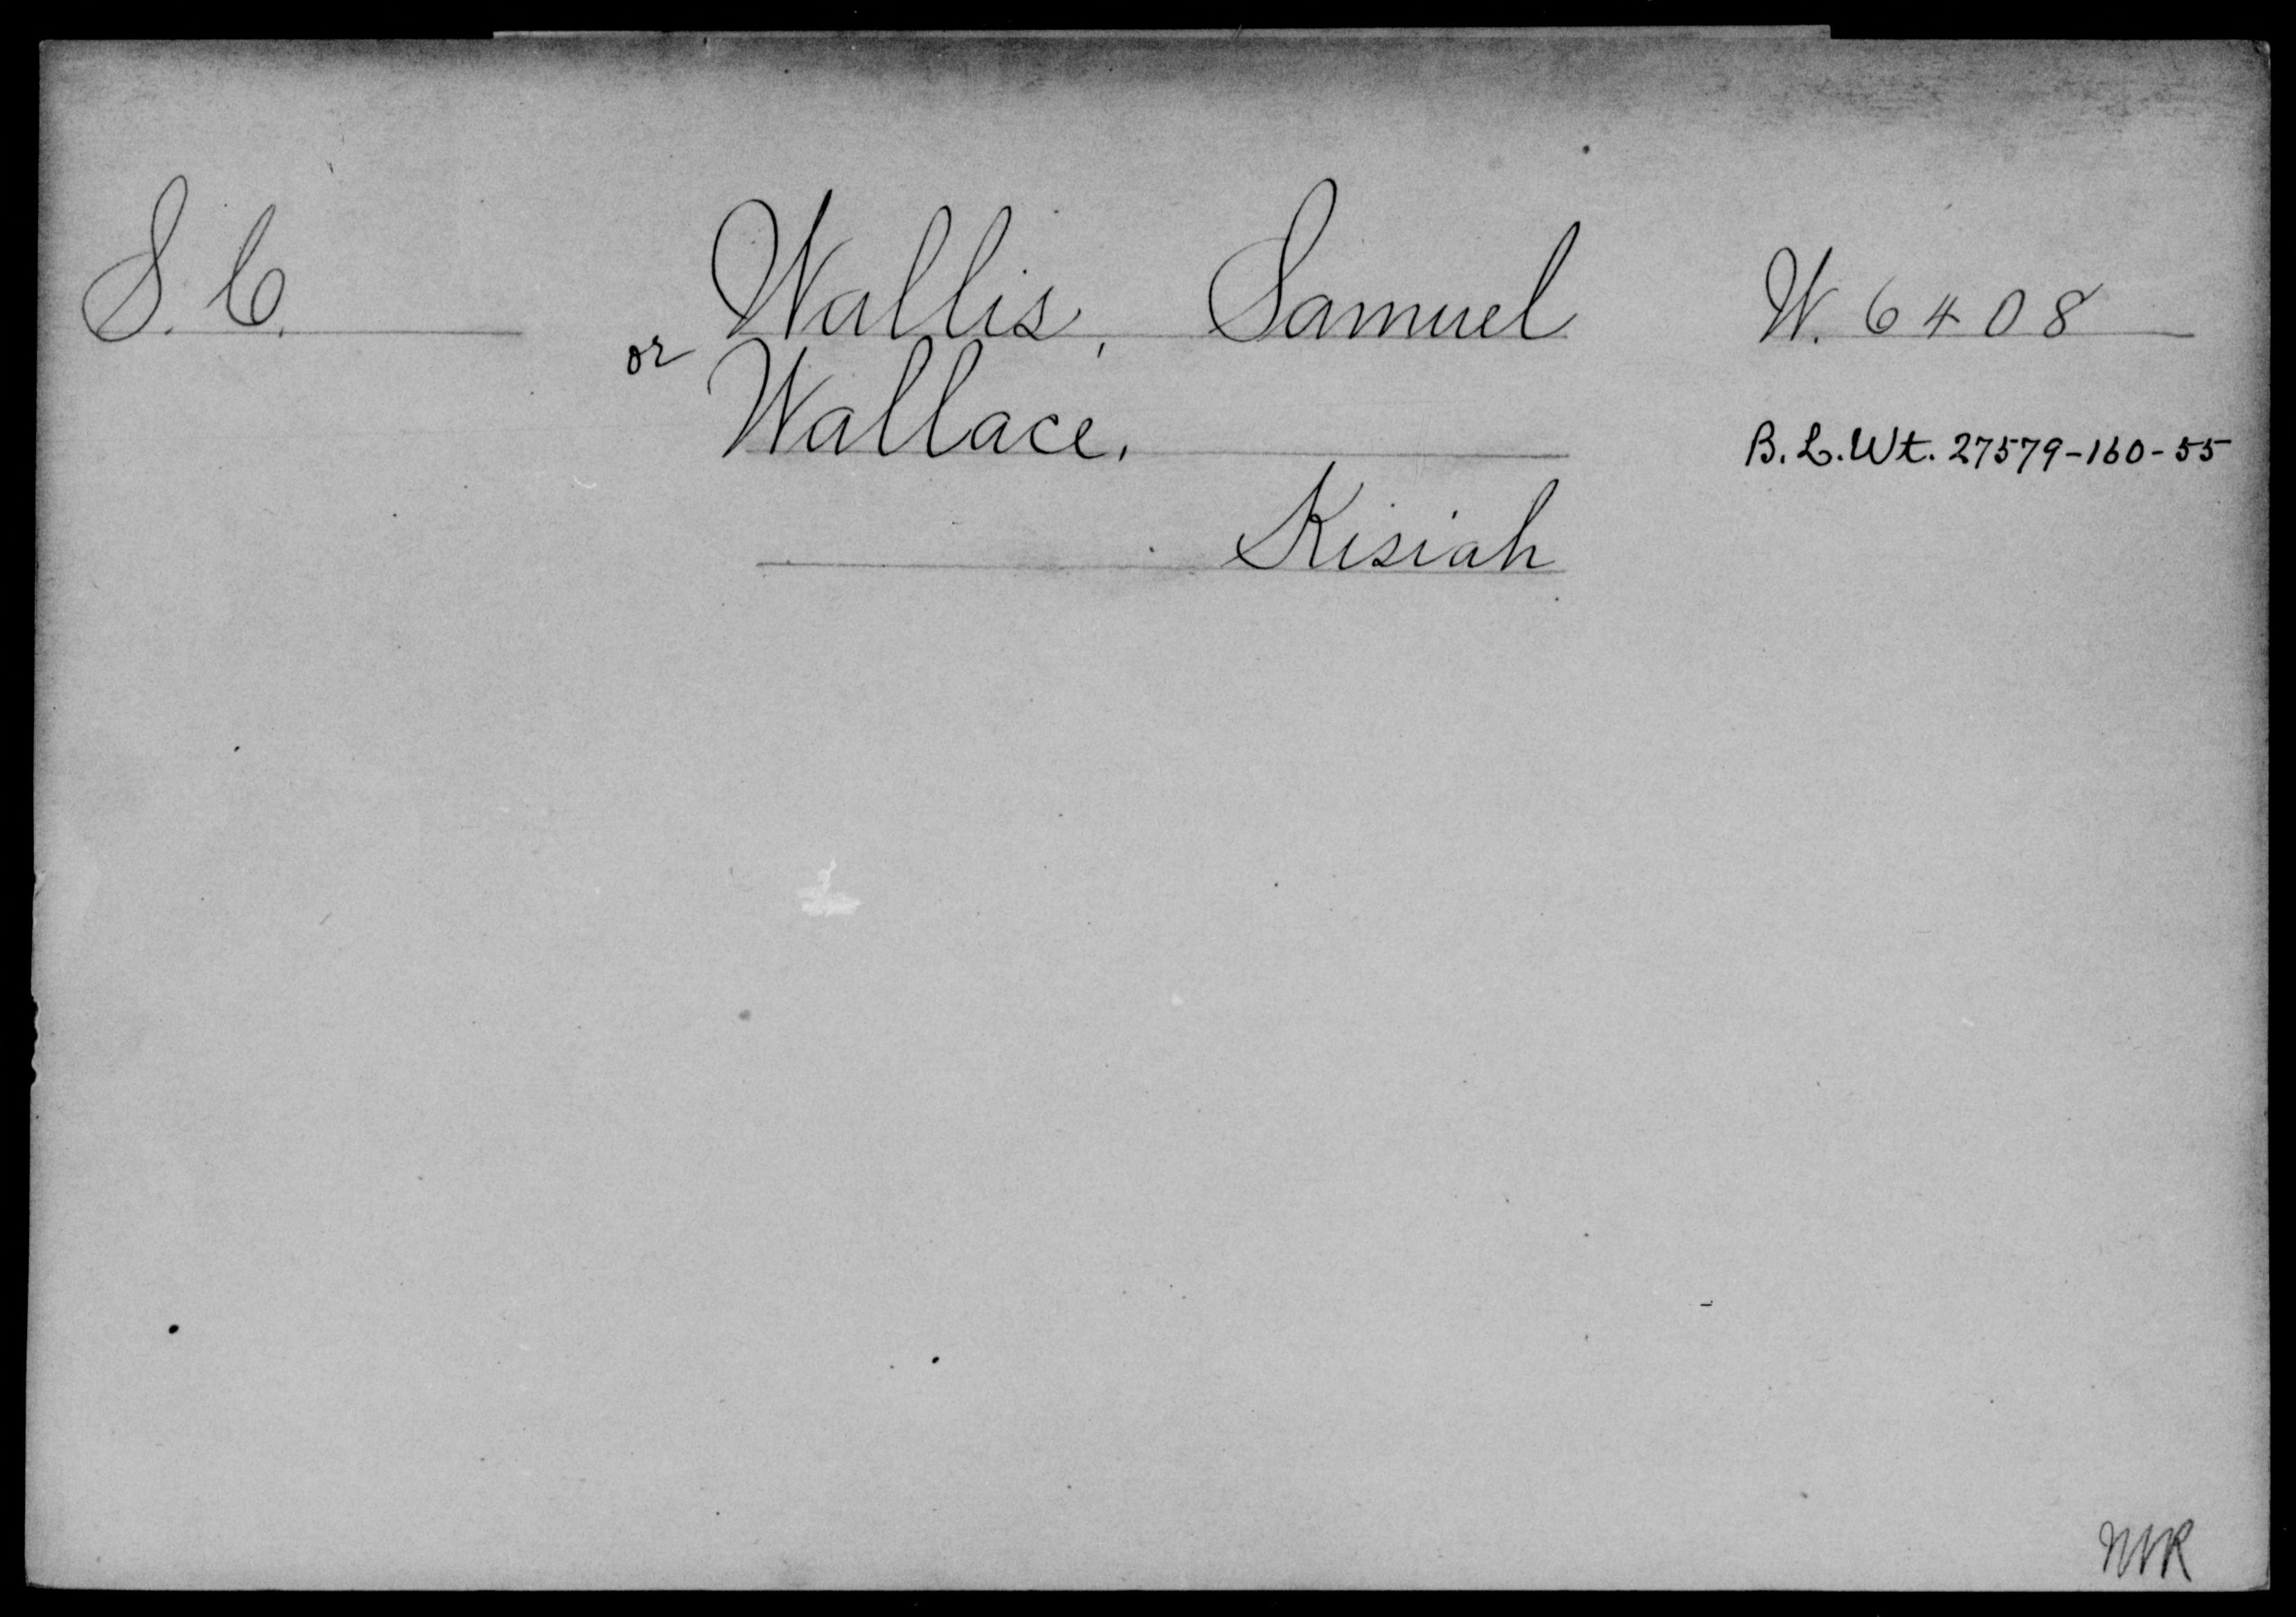S.C. | Wallis, Samuel | W. 6408
or Wallace | B.L.Wt. 27579-160-55
Kisiah

WR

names: Samuel Wallace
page: 1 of 1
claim: widow's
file: W. 6408, Samuel Wallis, S.C.